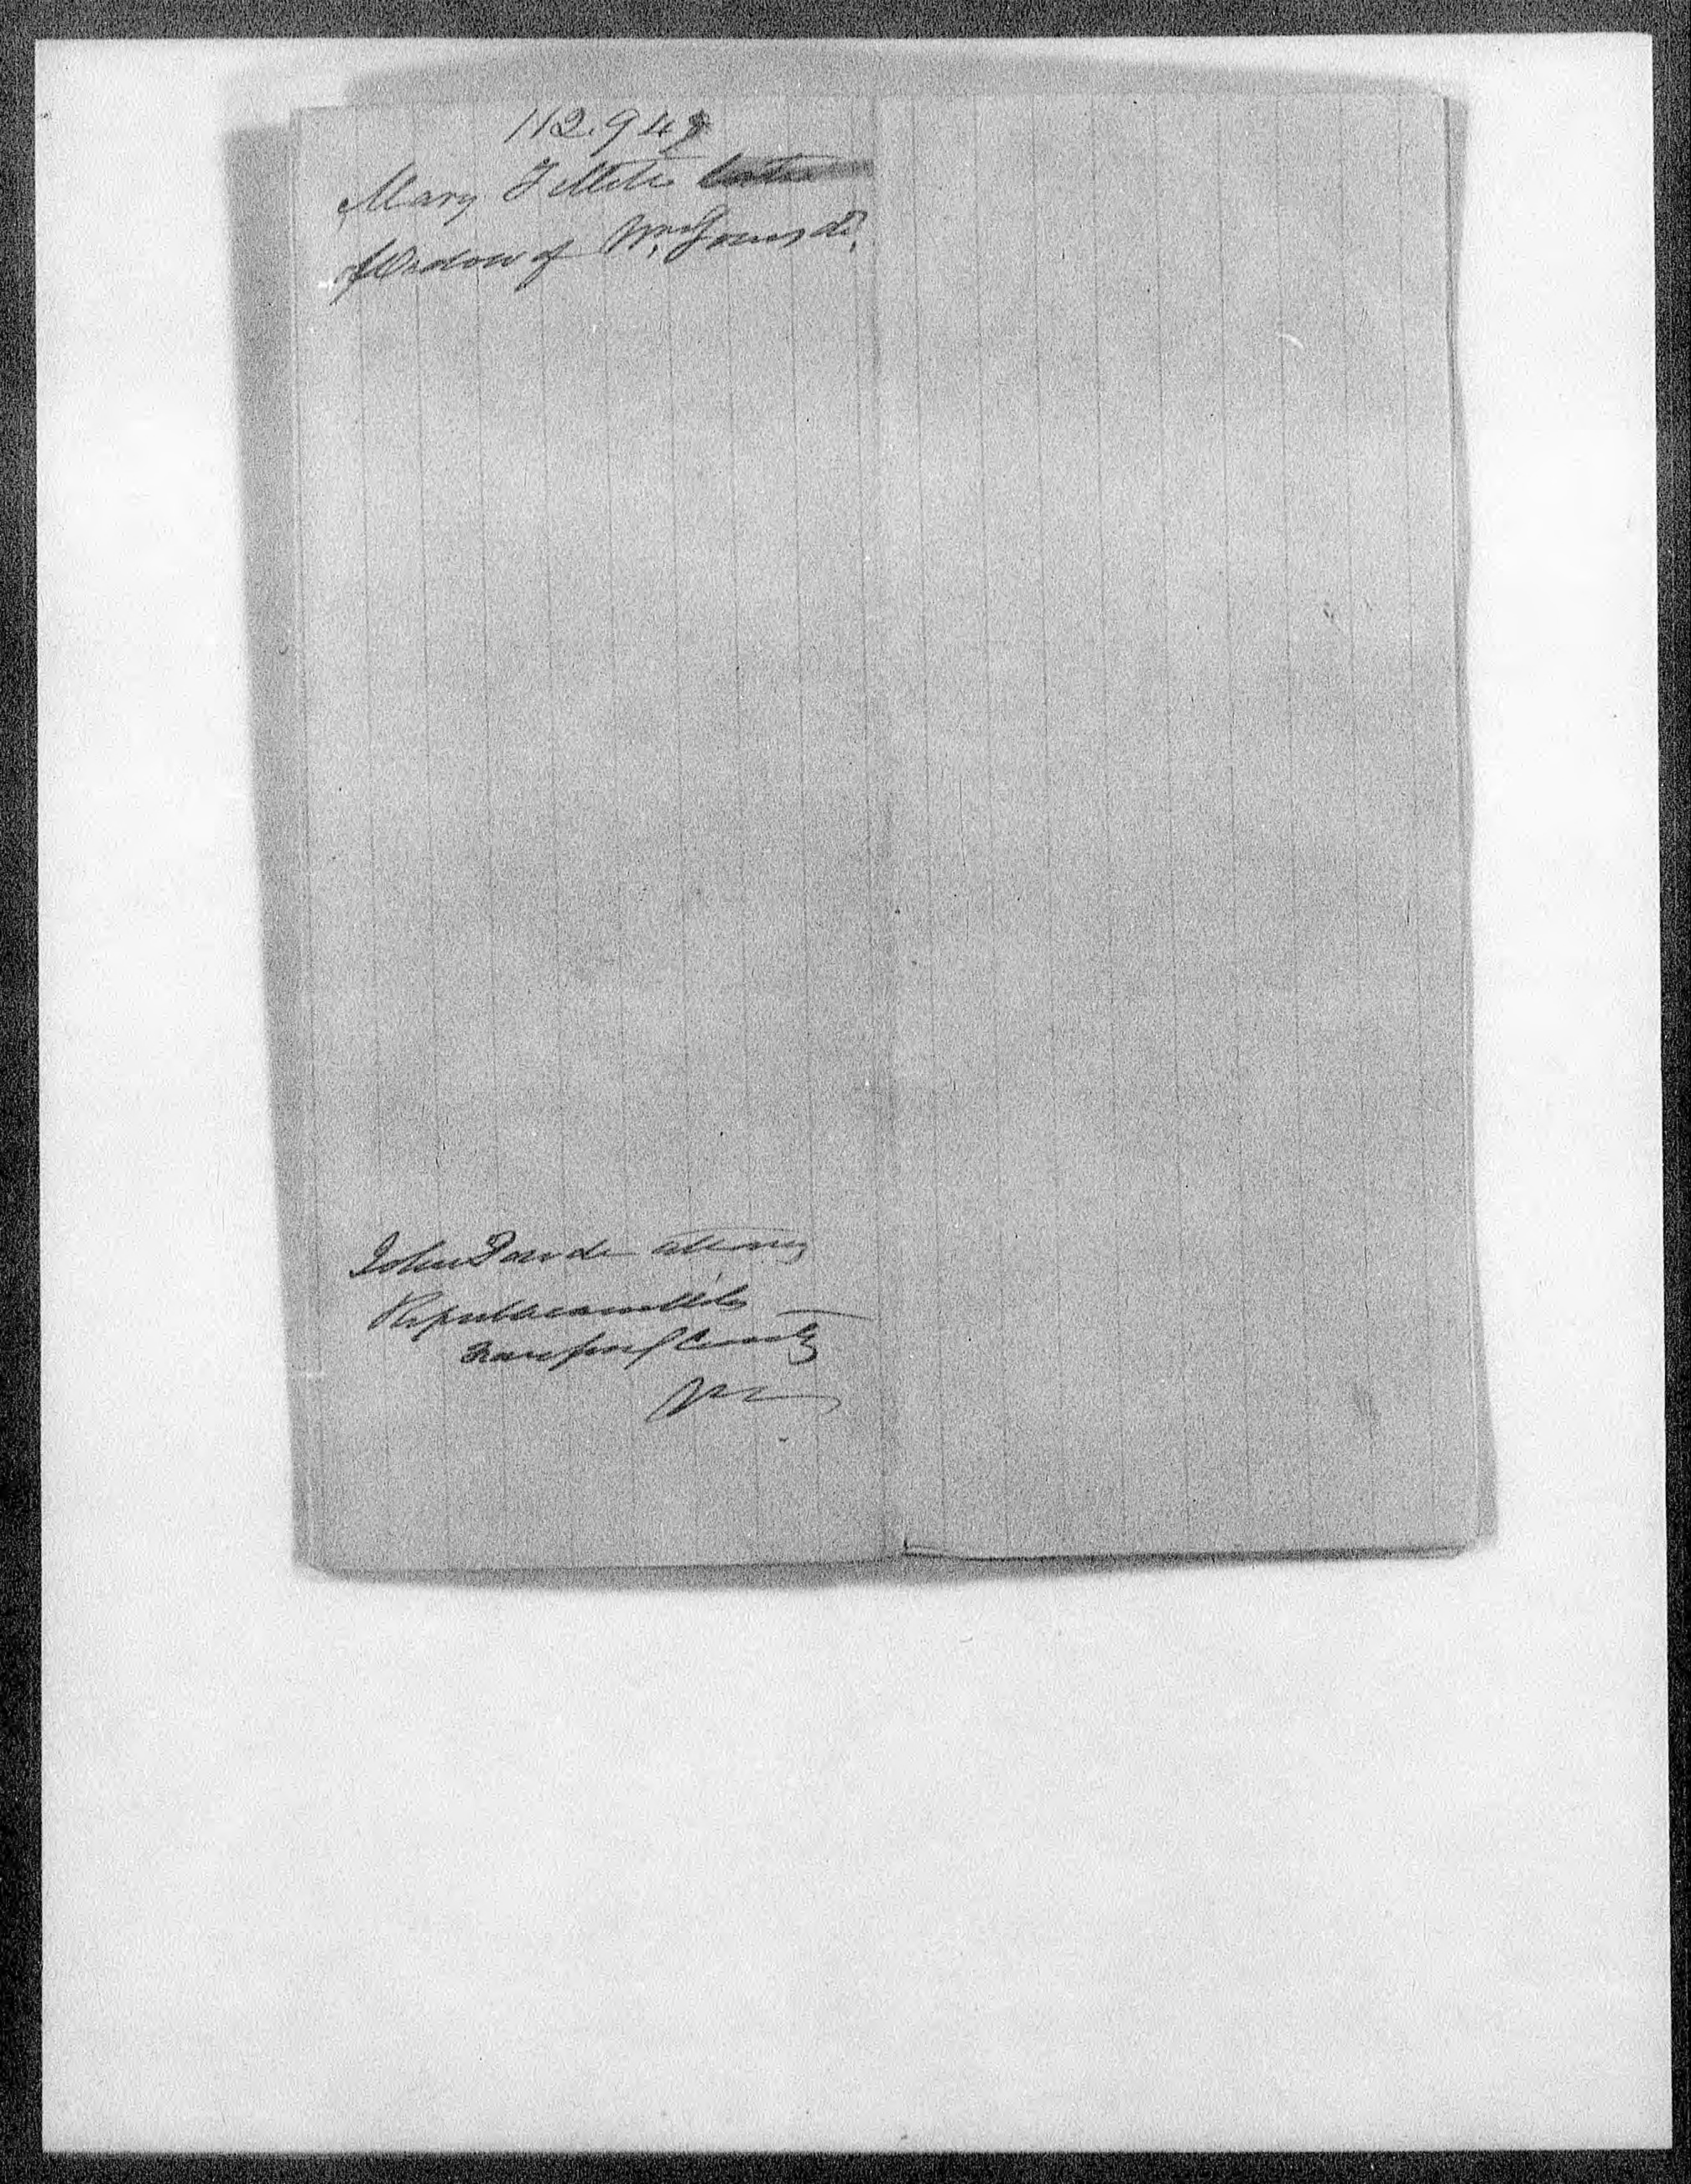112.949
Mary Tillett
Widow of Wm. Jones d.?


John Powell attorney
Republicanmills
Fairfax County
Va.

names: Mary Tellett; Wm Jones; John Powell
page: 5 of 39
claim: widow's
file: W 6292, for William Jones, Maryland